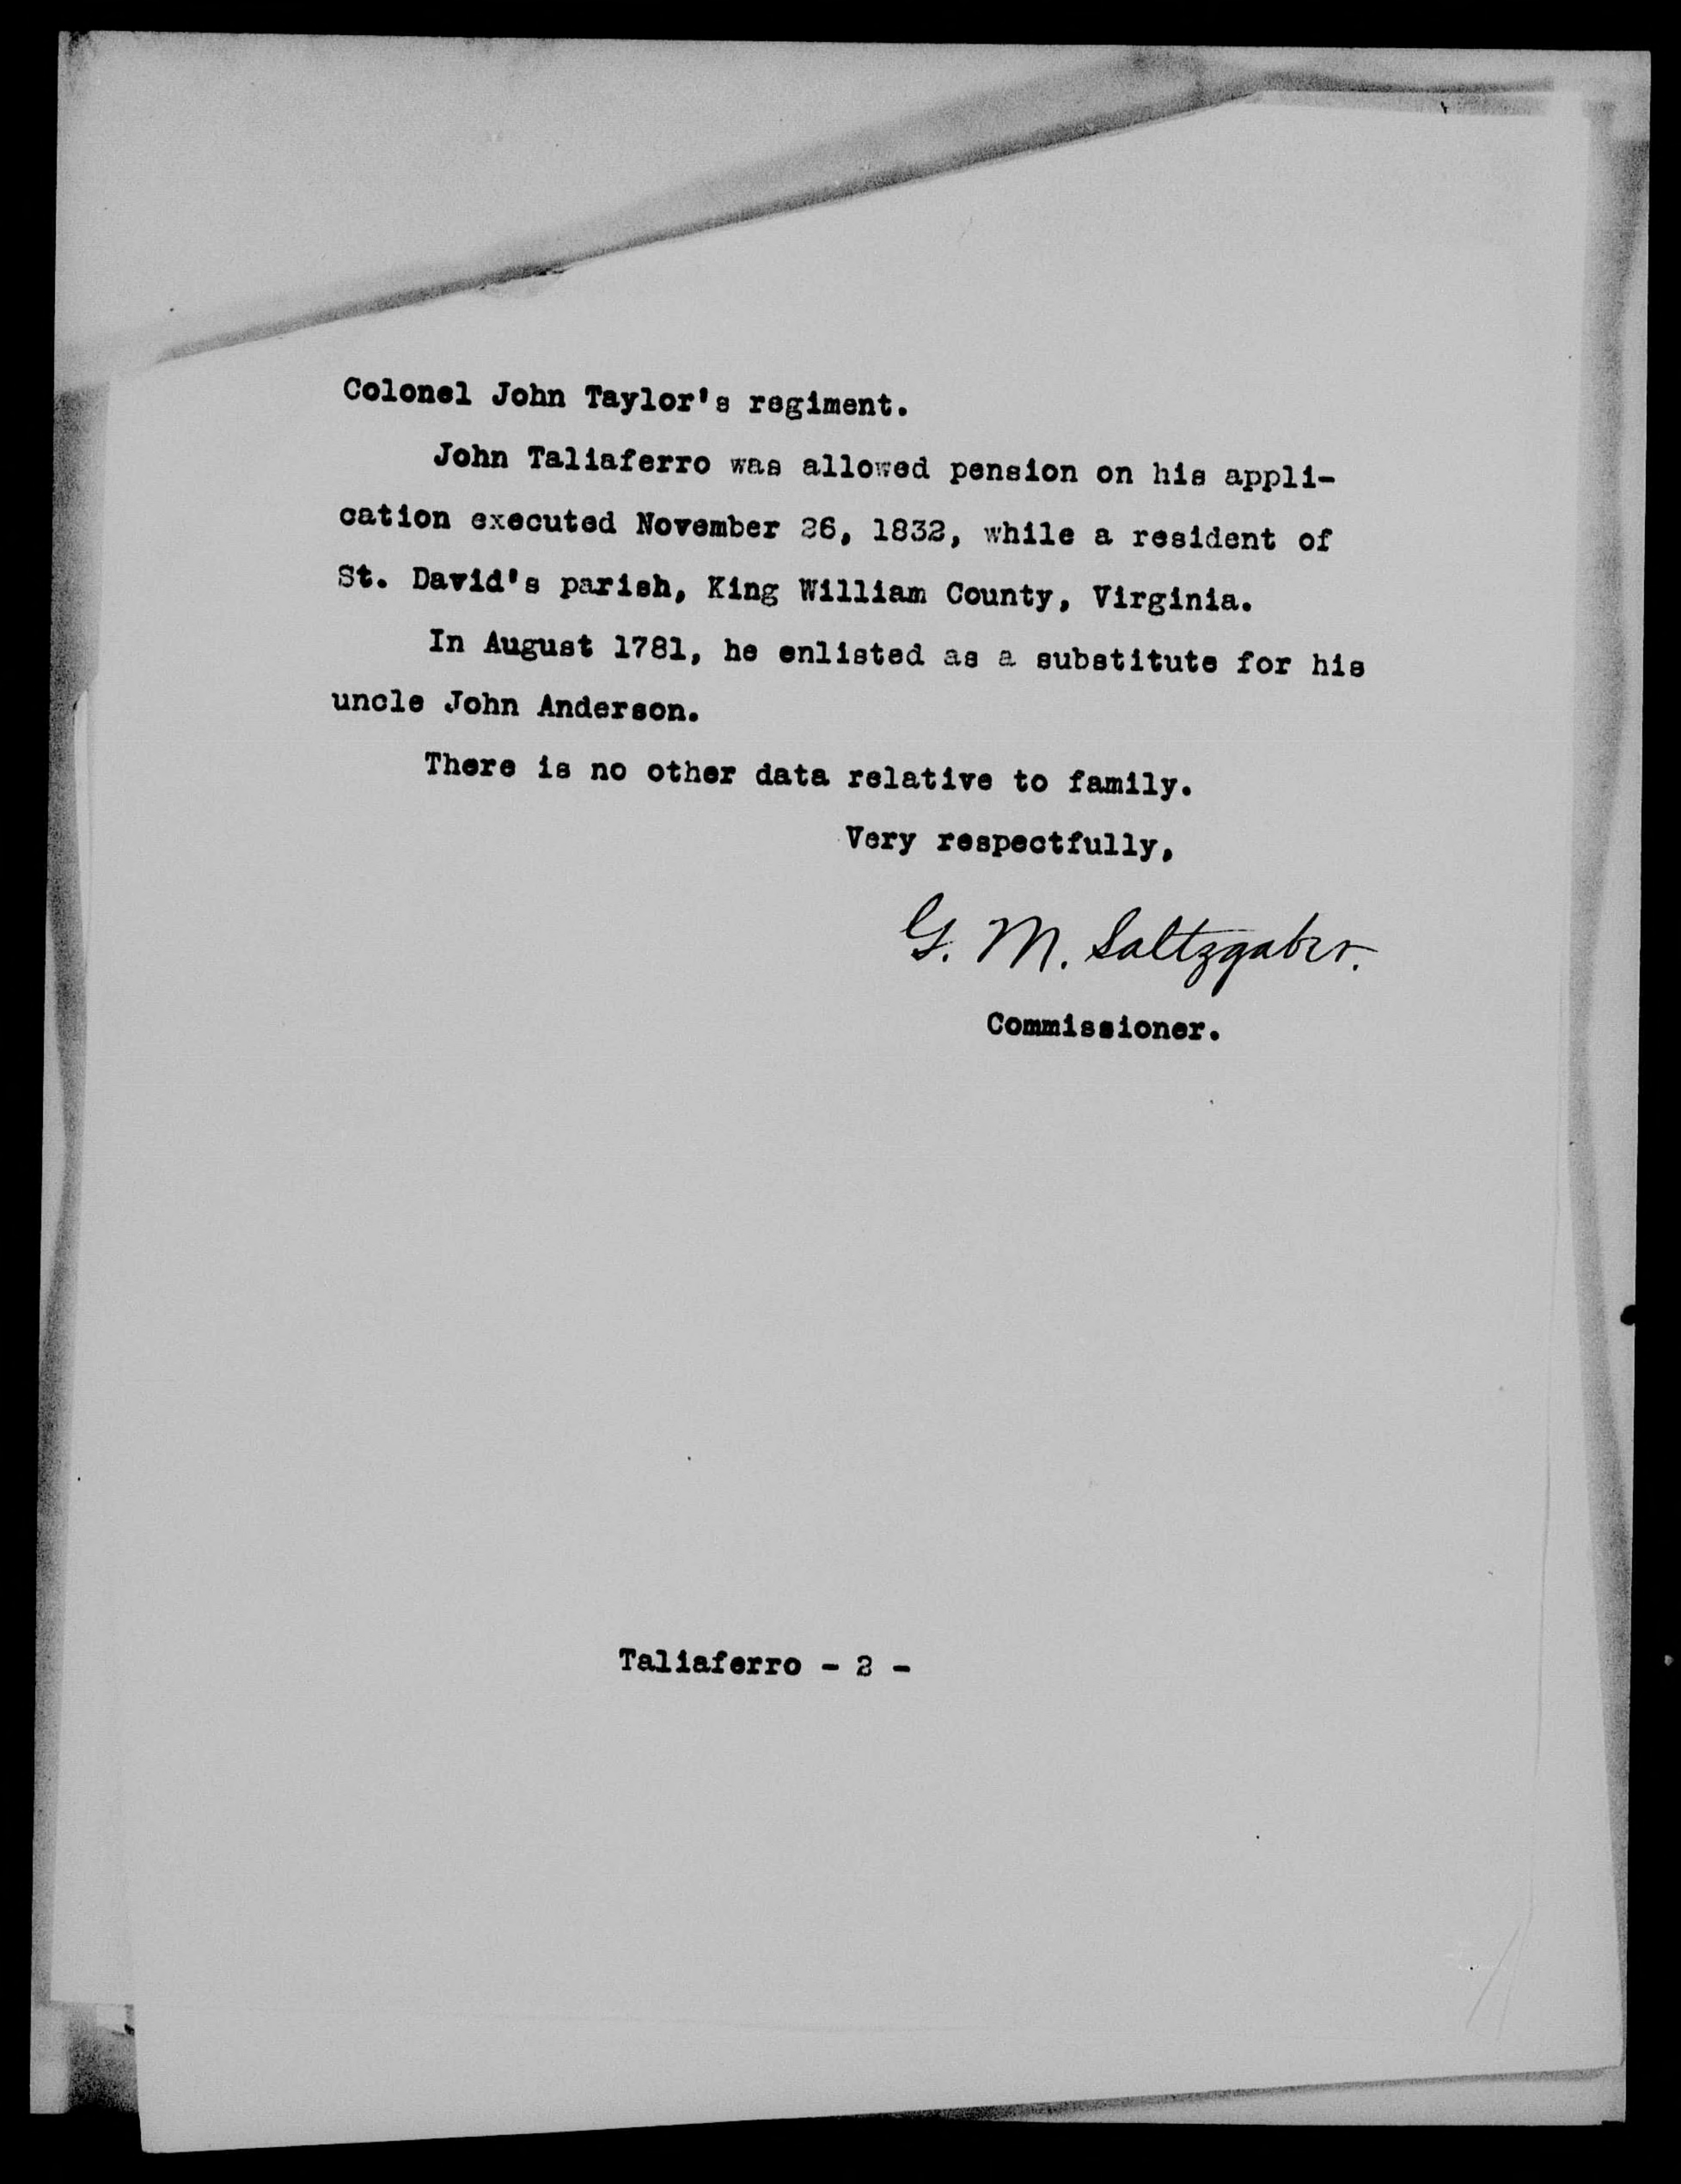Colonel John Taylor's regiment. 

John Taliaferro was allowed pension on his application executed November 26, 1832, while a resident of St. David parish, King William County, Virginia. 

In August 1781, he enlisted as a substitute for his uncle John Anderson. 

There is no other data relative to family. 

Very respectfully, 
G. M. Saltzgaber
Commissioner. 

Taliaferro - 2 -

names: John Anderson; John Taliaferro; G M Saltzgaber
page: 14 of 34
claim: survivor's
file: S. 19483, for John Taliaferro, Virginia